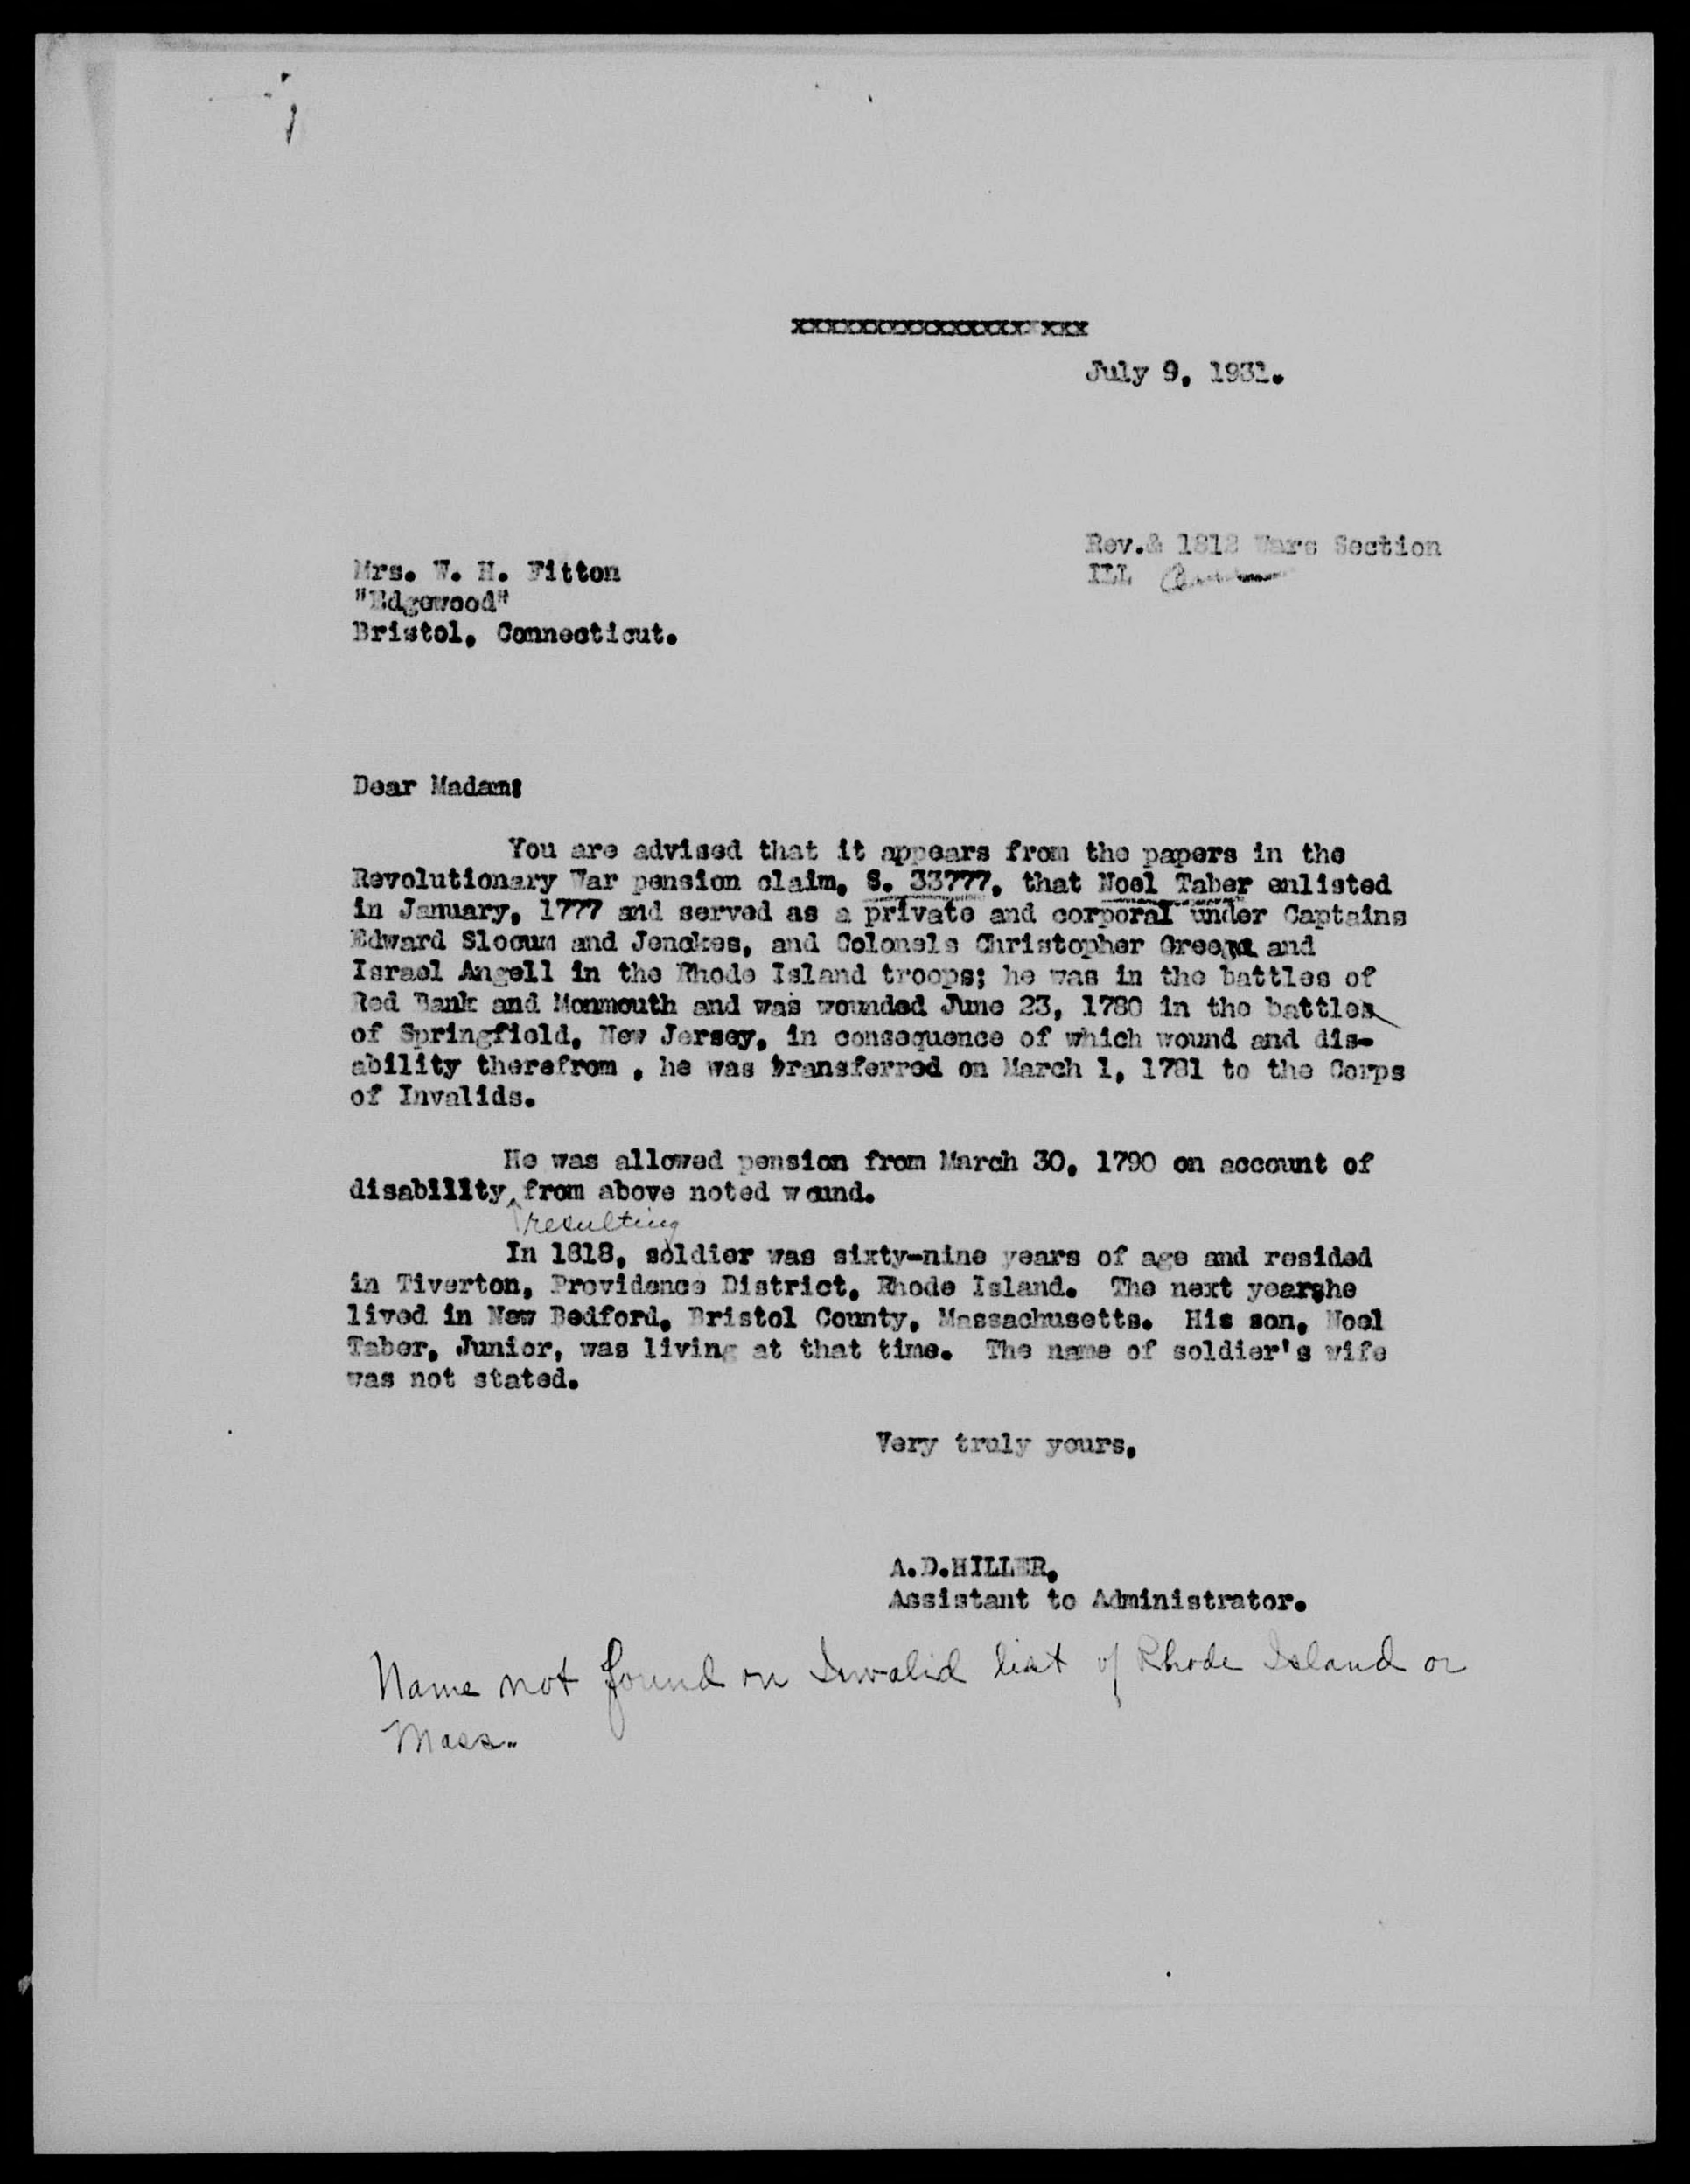Rev.& 1818 Wars Section
ILL[illegible]
Mrs. W. H. Fitton
"Edgewood"
Bristol, Connecticut.
Dear Madam:
You are advised that it appears from the papers in the
Revolutionary War pension claim S. 33777, that Norl Taber enlisted
in January, 1777 and served as a private and corporal under under Captains
Edward Slocum and Jenckes, and Colonels Christopher Greene and
 Israel Angell in the Rhode Island troops; he was in the battles
of Springfield, New Jersey, in consequence of which wound and dis
ability therefrom, he was transferred on March1,1781 to the Corps
of Invalids.
He was allowed pension from March 30, 1790 on account of
disability resulting from above noted wound.
Very truly yours,
A.D. Hiller,
Assistant to Administrator.
Name not found on Imvalid list of Rhode Island or
Mass.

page: 13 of 22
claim: survivor's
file: S 33777, for Noel Taber, Rhode Island